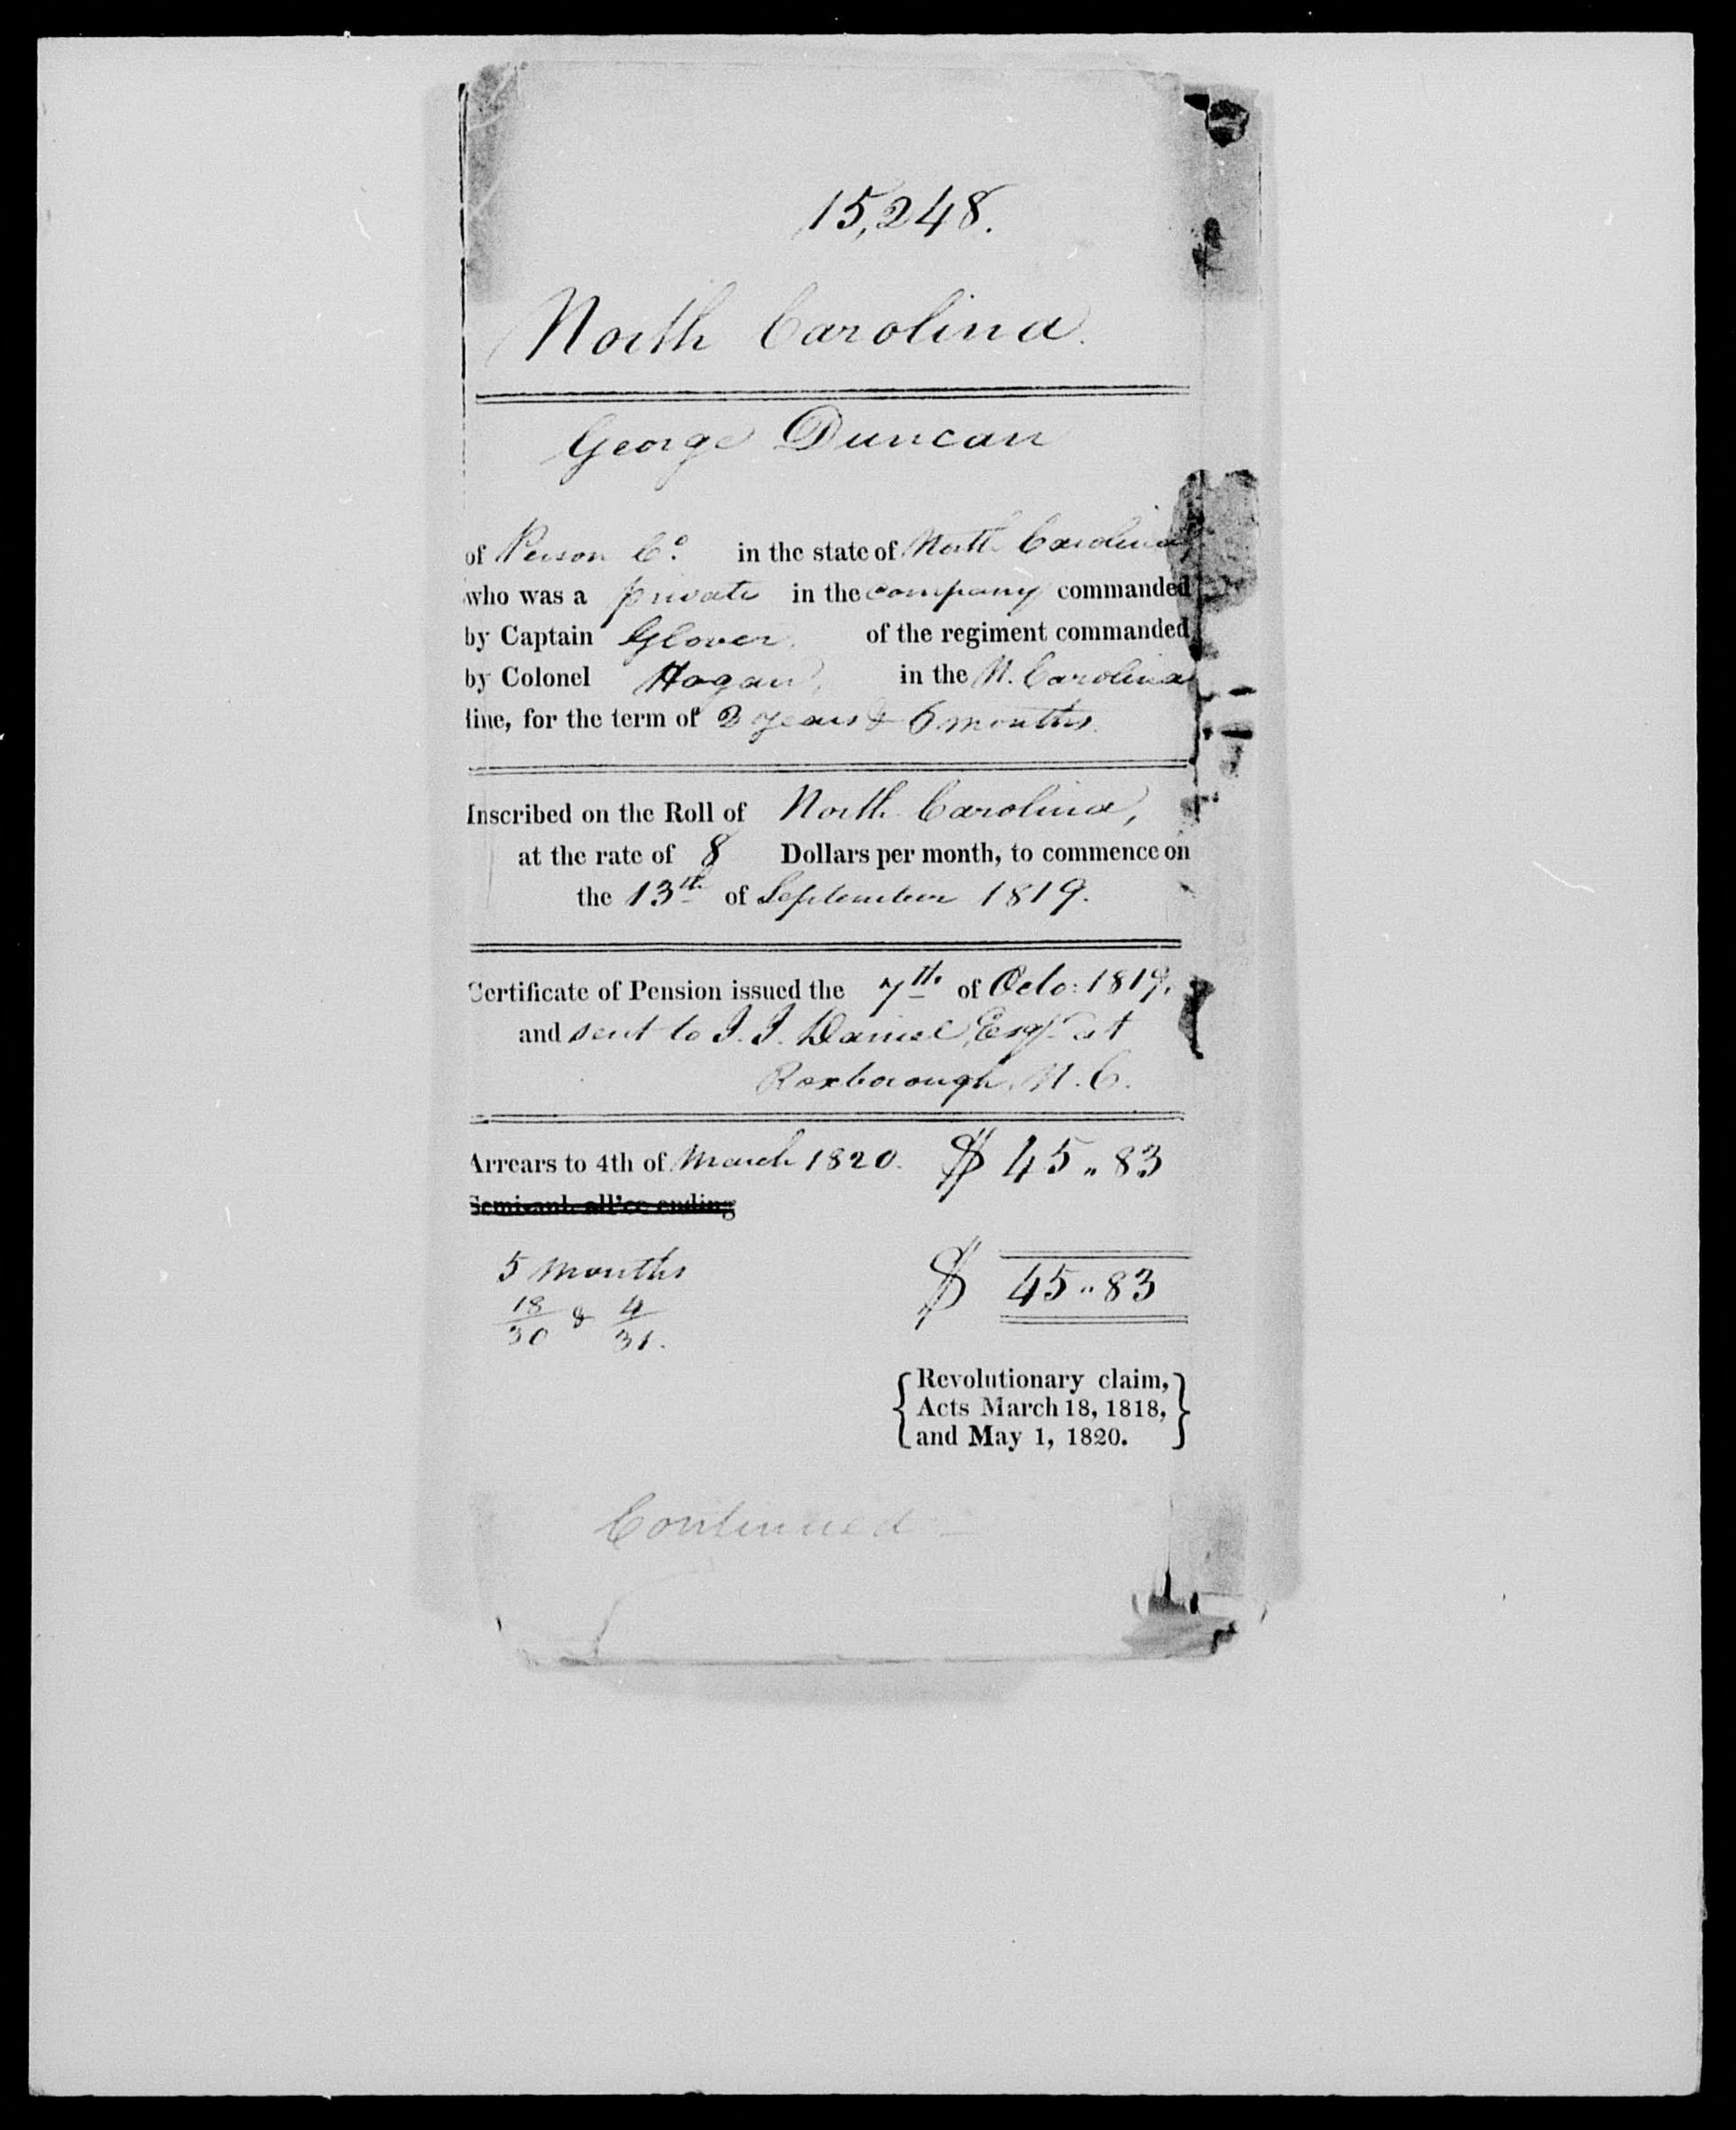15,248. 

                     North Carolina.

                    George Duncan

 of Person County in the state of North Carolina who was a private in the company commanded by Captain Glover of the regiment commanded by Colonel Hogan in the North Carolina line, for the term of 2 years and 6 months.  I

Inscribed on the Roll of North Carolina, at the rate of 8 dollars per month, to commence on the 13th of September 1819.

Certificate of Pension issued the 7th of October 1819, and sent to J.J. Daniel, Esq. at Roxborough, NC.  

Arrears to 4th of March 1820. $45.83. 

5 months 
18/50 & 4/31.                          $45.83. 

                                        {Revolutionary claim,                                                                                                                                                                                                                                                                                                                                                                                                                                                                  Acts March 18, 1818,                        
and May 1, 1820.}


                            Continued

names: Glover, Hogan, George Duncan, J J Daniel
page: 2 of 49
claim: survivor's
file: S. 41513, George Duncan, N.C.